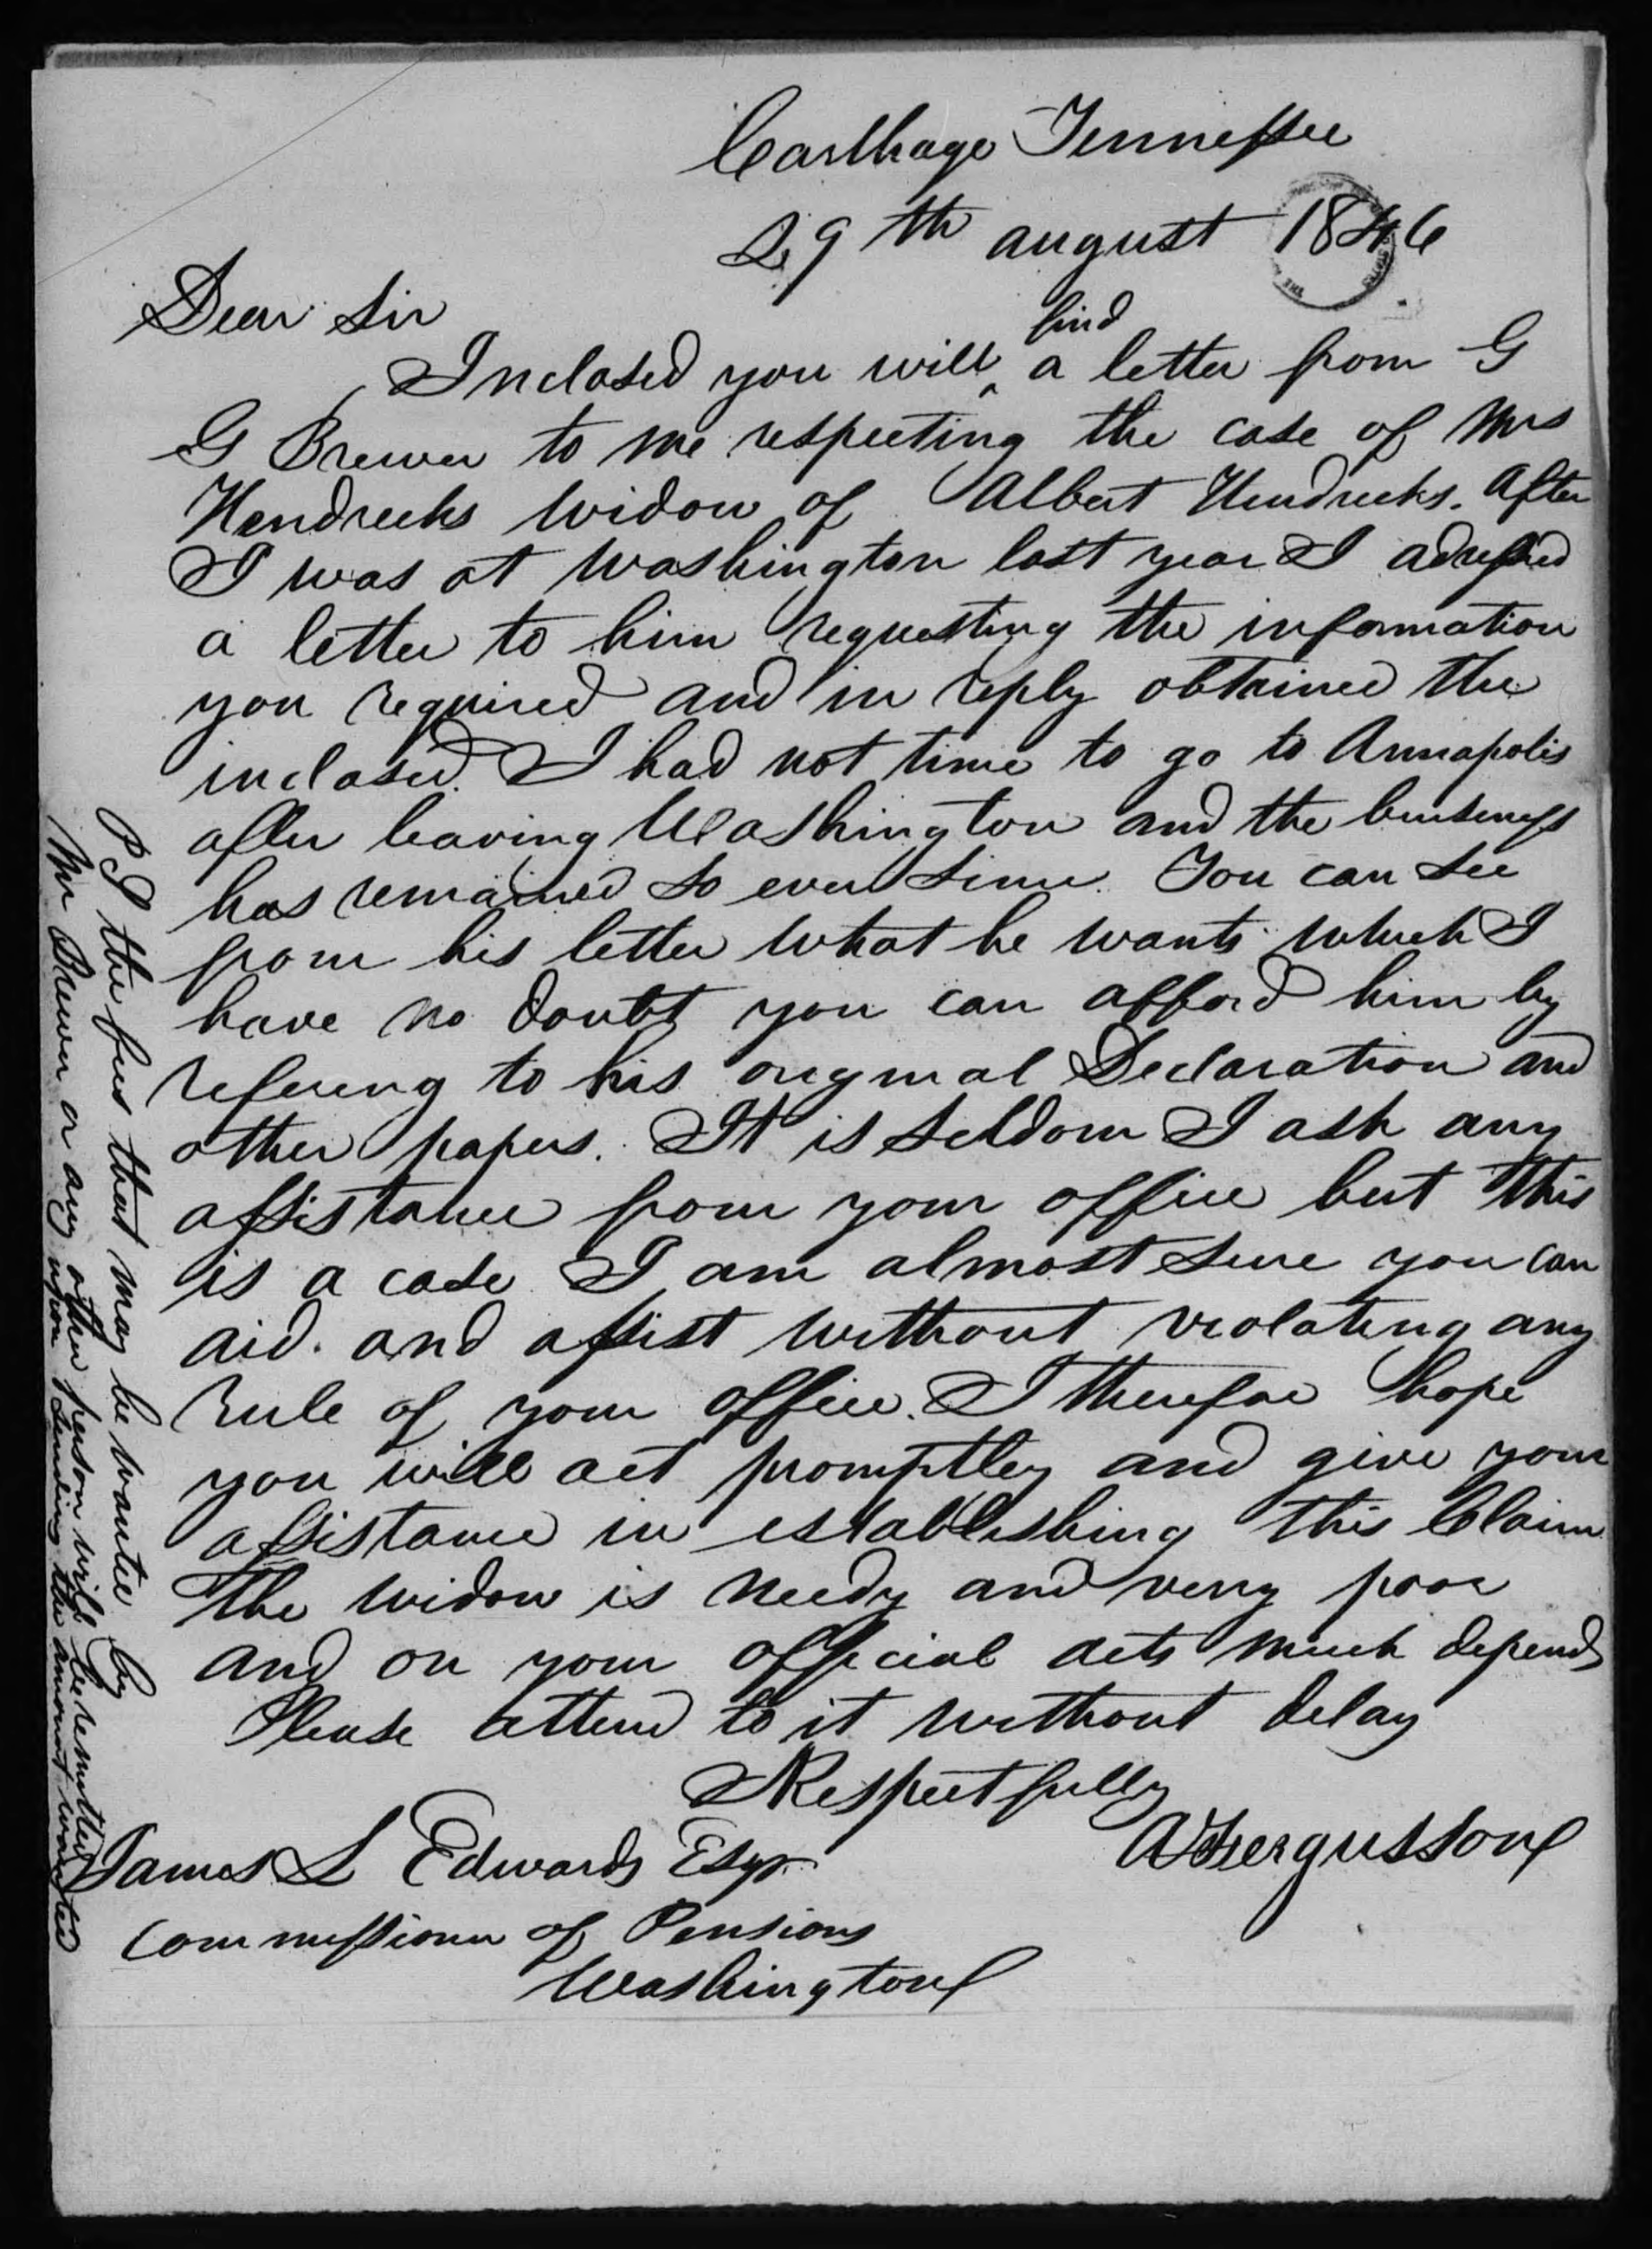Carthage Tennessee
29th August 1846

Dear Sir
   Inclosed you will find a letter from G G Brewer to me respecting the case of Mrs Hendricks widow of Albert Hendricks.  After I was at Washington last year I addressed a letter to him requesting the information you required and in reply obtained the inclosed.  I had not time to go to Annapolis after leaving Washington and the business has remained so ever since.  You can see from his letter what he wants which I have no doubt you can afford him by referring to his original Declaration and other papers.  It is seldom I ask any assistance from your office but this is a case I am almost sure you can aid and assist without violating any rule of your office.  I therefore hope you will act promptley and give your assistance in establishing this Claim.  The widow is needy and very poor and on your official act much depends.
Please attend to it without delay.
  Respectfully
James L Edwards Esqr.          A Fergusson
Commissioner of Pensions
Washington
PS  The fees that may be wanted by Mr Brewer or any other person will be remitted upon sending the amount wanted.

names: Brewer, A Fergusson, G G Brewer, Hendricks, Albert Hendricks, James L Edwards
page: 38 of 76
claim: widow's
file: W. 83, Albert Hendricks, Continental Md. N.C.